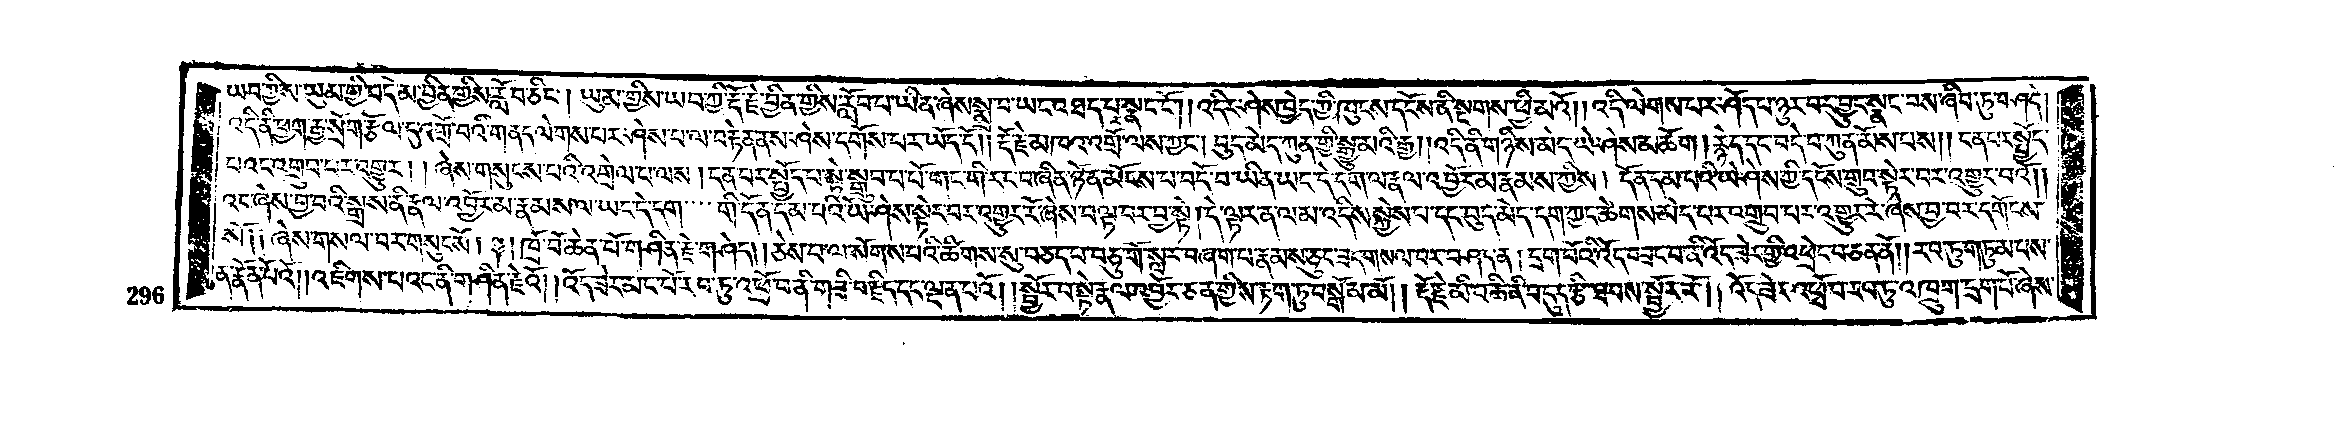ཡབ་ཀྱི་ས་ཡུམ་གྱི་པད་མ་བྱིན་གྱིས་རློབ་ཅིང་། ཡུམ་གྱིས་ཡབ་ཀྱི་རྡོ་རྗེ་བྱིན་གྱིས་རློབ་པ་ཡིན་ཞེས་སྨྲ་བ་ཡང་འཐད་པར་སྣང་ངོ། །འདིར་ཤེས་བྱེད་ཀྱི་ཁུངས་དངོས་ནི་སྔགས་ཕྱི་མའོ། །འདི་ལེགས་པར་ཤོད་པ་ཉུར་བར་བྱུང་སྣང་བས་ཞིབ་ཏུ་བཤད་དེ།
འདི་ནི་ཕྱག་རྒྱ་སྲོག་རྩོལ་དུ་འགྲོ་བའི་གནད་ལེགས་པར་ཤེས་པ་ལ་བརྟེན་ནས་ཤེས་དགོས་པར་ཡོད་དོ། །རྡོ་རྗེ་མཁའ་འགྲོ་ལས་ཀྱང་། བུད་མེད་ཀུན་གྱི་སྒྱུ་མའི་རྒྱ། །འདི་ནི་གཉིས་མེད་ཡེ་ཤེས་མཆོག །རྙེད་དང་བདེ་བ་ཀུན་མོས་པས། །ངན་པར་སྤྱོད་
པའང་འགྲུབ་པར་འགྱུར། །ཞེས་གསུངས་པའི་འགྲེལ་པ་ལས། ངན་པར་སྤྱོད་པ་སྟེ་སྒྲུབ་པ་པོ་གང་གི་རང་བཞིན་ཉོན་མོངས་པ་བདོ་བ་ཡིན་ཡང་དེ་དག་ལ་རྣལ་འབྱོར་མ་རྣམས་ཀྱིས། དོན་དམ་པའི་ཡེ་ཤེས་ཀྱི་དངོས་གྲུབ་སྟེར་བར་འགྱུར་བའོ། །
འདི་ཞེས་བྱ་བའི་སྒྲས་ནི་རྣལ་འབྱོར་མ་རྣམས་ལ་ཡང་དེ་དག་གི་དོན་དམ་པའི་ཡེ་ཤེས་སྟེར་བར་འགྱུར་རོ་ཞེས་བལྟ་བར་བྱ་སྟེ། དེ་ལྟར་ན་ལམ་འདིས་སྐྱེས་པ་དང་བུད་མེད་དག་ཀྱང་ཚེགས་མེད་པར་འགྲུབ་པར་འགྱུར་རོ་ཞེས་བྱ་བར་དགོངས་
སོ། །ཞེས་གསལ་བར་གསུངས་སོ། ༈ །ཁྲོ་བོ་ཆེན་པོ་གཤིན་རྗེ་གཤེད། །ཅེས་པ་ལ་སོགས་པའི་ཚིགས་སུ་བཅད་པ་བཅུ་གོ་སླར་བཞག་པ་རྣམས་ཅུང་ཟད་གསལ་བར་བཤད་ན། དྲག་པོའི་འོད་བཟང་བ་ནི་འོད་ཟེར་གྱི་འཕྲེང་བ་ཅན་ནོ། །རབ་ཏུ་གཏུམ་པས་
ན་རྣོན་པོའོ། །འཇིགས་པའང་ནི་གཤིན་རྗེའོ། །འོད་ཟེར་མང་པོ་རབ་ཏུ་འཕྲོ་བ་ནི་གཟི་བརྗིད་དང་ལྡན་པའོ། །སྦྱོར་བ་སྟེ་རྣལ་འབྱོར་ཅན་གྱིས་རྟག་ཏུ་བསྒོམ་མོ། །རྡོ་རྗེ་མི་འཆི་ནི་བདུད་རྩི་ཐབས་སྦྱོར་རོ། །འོད་ཟེར་འཕྲོ་བ་རབ་ཏུ་འཁྲུག་དྲག་པོ་ཞེས་